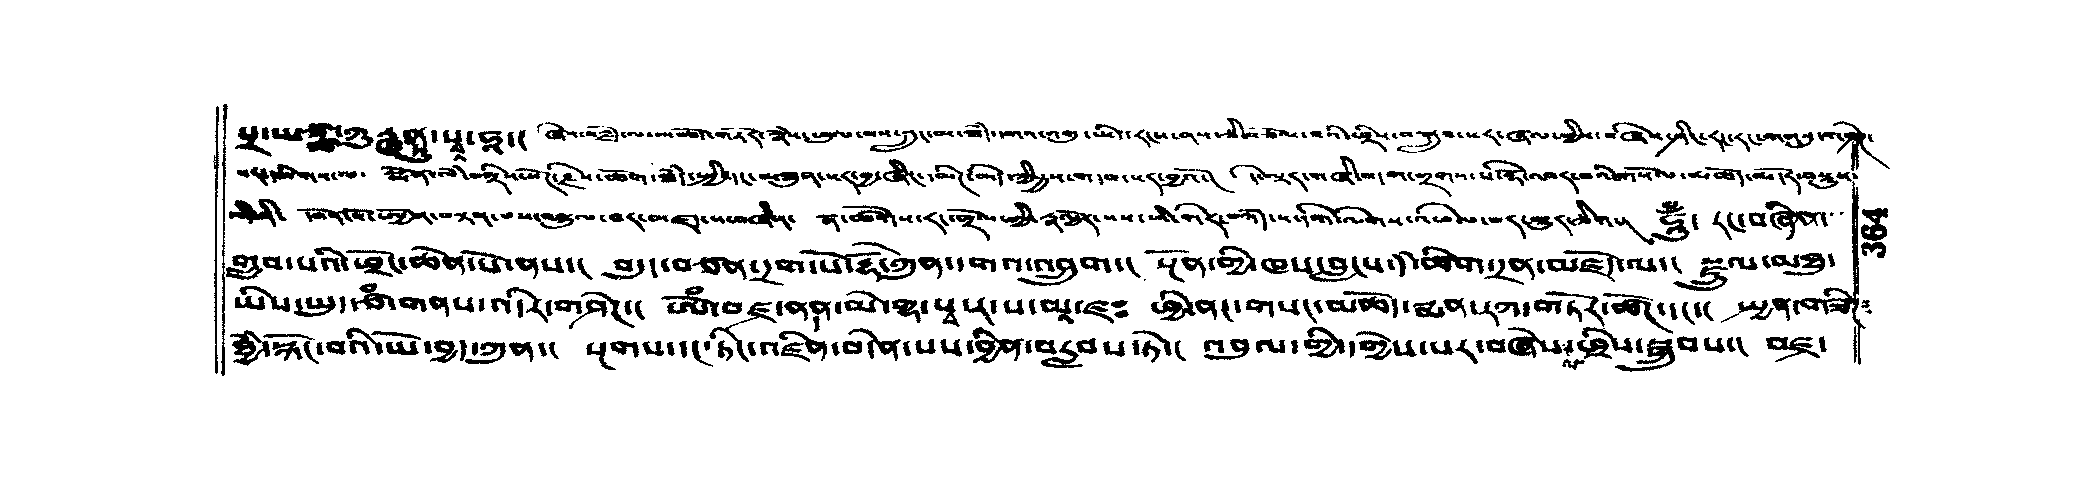པྲ་ཡཙྪ་ཀུརཝ་ནྟུ་སྭཱ་ཧཱ། ཞེས་བརྗོད་ལ་་མཆོད་གཏོར་ཕུལ་བས་སྲུང་མ་ཐམས་ཅད་དགའ་མགུ་ཡི་རངས་ནས་ཅི་བཅོལ་བའི་ཕྲིན་ལས་བསྒྲུབ་པར་ཞལ་གྱིས་བཞེས་ཤིང་རང་རང་གནས་སུ་གཤེགས་
པར་དམིགས་ལ། སྨོན་ལམ་བཀྲ་ཤིས་སོགས་རྗེས་ཆོག་ཐམས་ཅད་སྤྱི་དང་མཐུན་པར་བྱ་ཞིང་དམིགས་མེད་ཀྱི་རྒྱས་གདབ་པར་བྱའོ། དེ་ལྟར་གཞི་བདག་གྲགས་པ་རྡོ་རྗེ་འབར་བའི་གསོལ་མཆོད་་མདོར་བསྡུས་
འདི་ནི། དབོན་པོ་ཨོ་རྒྱན་བསྟན་པས་བསྐུལ་བར་མཛད་པ་བཞིན། སྣ་ཚོགས་རང་གྲོལ་གྱི་རྣལ་འབྱོར་པས་ཡི་གེར་བཀོད་པ་དགེ་ལེགས་འཕེལ་བར་གྱར་ཅིག་ཧཱུྂ། རང་བཞིན་
གྲུབ་པའི་ཕོ་བྲང་ཆེན་པོ་ནས། །བདུད་བཙན་དྲག་པོ་རྡོ་རྗེ་ཀུན་དགའ་འབྲུག་།སྔོན་གྱི་ཁས་བླངས་དམ་ཚིག་དྲན་མཛོད་ལ། །རྫུ་འཕྲུལ་མཐུ་
ཡིས་ཡུད་ཙམ་གནས་འདིར་གཤེགས། །ཨོྂ་བཛྲ་ནནྡ་མེ་གྷ་སྭ་ར་ས་མྭ་ཛཿ ཕྱི་ནང་གསང་མཆོད་སྨན་རཀ་གཏོར་ཚོགས་དང་། །སྤྱན་གཟིགས་
ཐུགས་དམ་སྐོང་བའི་ཡོ་བྱད་ཀུན། །སྔགས་དང་ཏིང་འཛིན་བདེན་པས་བྱིན་བརླབས་ཏེ། །འབུལ་གྱི་དགྱེས་པར་བཞེས་ལ་ཕྲིན་ལས་སྒྲུབས། །བཛྲ་